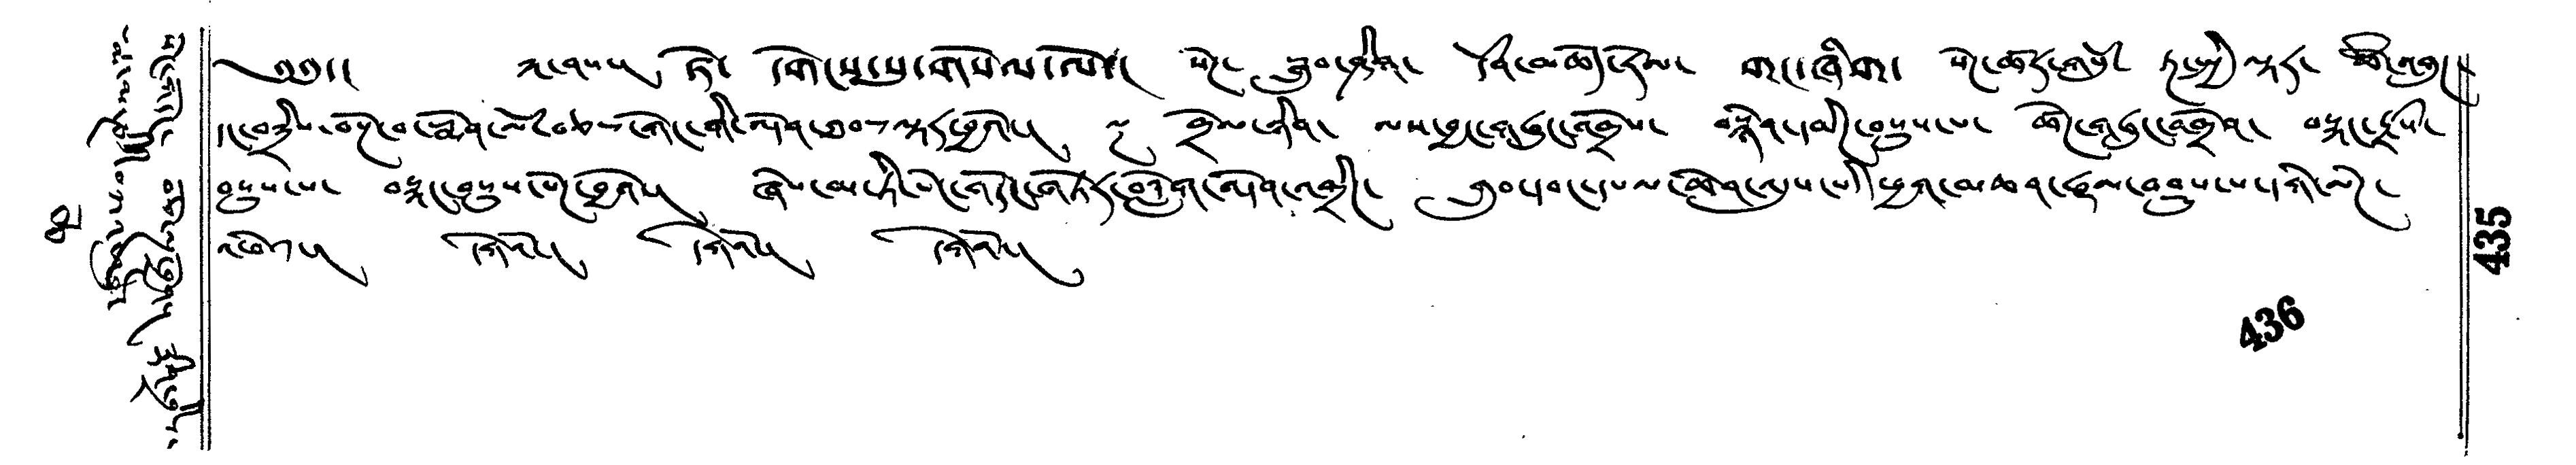ཀ་ནས། ཧོ་དགོངས་སུ་གསོལ། སོགས་སྒྲུབ་ཤིག དེ་ནི་མཆོད་རོལ། གང་ཞིག སོས་ཚར་གསུམ། ཏྲ་སྤྱི་ལྟར། ཚེ་འགུགས། 
དང་བཀྲ་ཤིས་བསྔོ་བ་སྨོན་ལམ་བཅས་གོང་གྷི་འདོན་ཐབས་ལྟར་ཕྱག་གོ། །ལྔ་། གྲོལ་ཉིན། ལས་བྱང་གཞུང་འགྲོས། བསྙེན་དམིགས་བསྡུས་པ། ཚོགས་གཞུང་འགྲོན། བསྐང་རྫས་
བསྡུས་པ། བསྐང་བསྡུས་སོགས་ཕྱོགས། ཞི་བ་མ་ཏི་སོགས་གདོང་གཏོར་བཟློག་འདོན་འགྲིགས། གྲུབ་དབང་དཔལ་ཆེན་འདུས་པའི་ཕྱག་མཆན་ཞལ་བཤུས་པ་དགེ་ལེགས་
འཕེལ། དགེའོ། དགེའོ། དགེའོ།